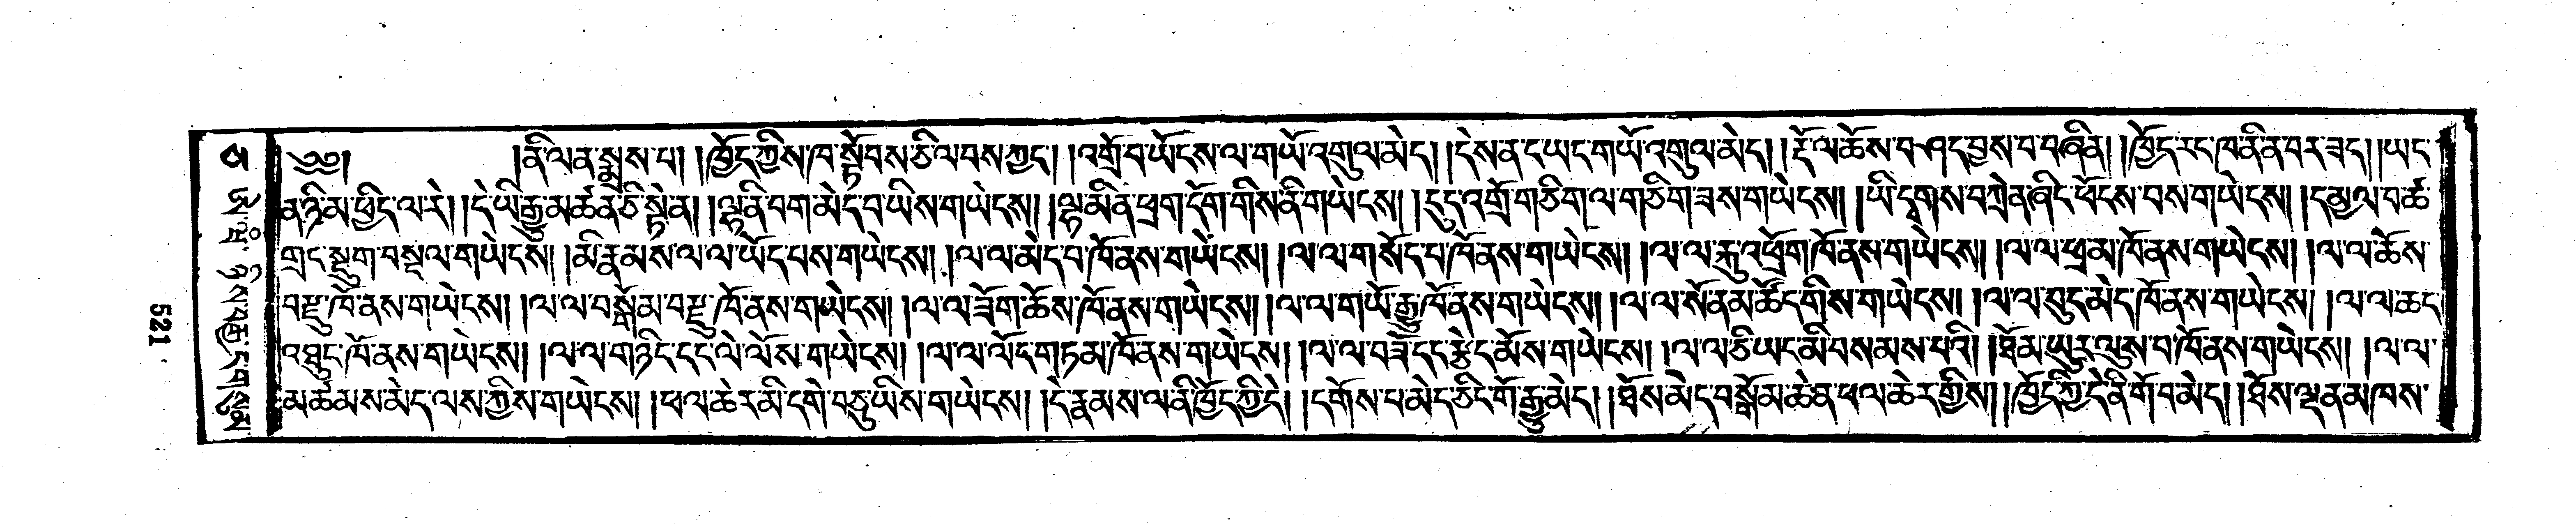༄༅། །ནི་ལན་སྨྲས་པ། །ཁྱོད་ཀྱིས་ཁ་སྟོབས་ཅི་ལབས་ཀྱང་། །འགྲོ་བ་ཡོངས་ལ་གཡོ་འགུལ་མེད། །དེས་ན་ང་ཡང་གཡོ་འགུལ་མེད། །རྡོ་ལ་ཆོས་བཤད་བྱས་པ་བཞིན། །ཁྱོད་རང་ཁ་ནི་ན་བར་ཟད། །ཡང་
ན་ཉི་མ་ཕྱིད་ལ་རེ། །དེ་ཡི་རྒྱུ་མཚན་ཅི་སྟེ་ན། །ལྷ་ནི་བག་མེད་པ་ཡིས་གཡེངས། །ལྷ་མིན་ཕྲག་དོག་གིས་ནི་གཡེངས། །དུད་འགྲོ་གཅིག་ཟས་གཡེངས། །ཡི་དྭགས་བཀྲེན་ཞིང་ཕོངས་པས་གཡེངས། །དམྱལ་བ་ཚ་
གྲང་སྡུག་བསྔལ་གཡེངས། །མི་རྣམས་ལ་ལ་ཡོད་པས་གཡེངས། །ལ་ལ་མེད་པ་ཁོ་ནས་གཡེངས། །ལ་ལ་གསོད་པ་ཁོ་ནས་གཡེངས། །ལ་ལ་རྐུ་འཕྲོག་ཁོ་ནས་གཡེངས། །ལ་ལ་ཕྲ་མ་ཁོ་ནས་གཡེངས། །ལ་ལ་ཆོས་
བརྫུ་ཁོ་ནས་གཡེངས། །ལ་ལ་བསྒོམ་བརྫུ་ཁོ་ནས་གཡེངས། །ལ་ལ་ཟོག་ཆོས་ཁོ་ནས་གཡེངས། །ལ་ལ་གཡོ་རྒྱུ་ཁོ་ནས་གཡེངས། །ལ་ལ་སོ་ནམ་ཚོང་གིས་གཡེངས། །ལ་ལ་བུད་མེད་ཁོ་ནས་གཡེངས། །ལ་ལ་ཆར་
འཐུང་ཁོ་ནས་གཡེངས། །ལ་ལ་གཉིད་དང་ལེ་ལོས་གཡེངས། །ལ་ལ་ལོང་གཏམ་ཁོ་ནས་གཡེངས། །ལ་ལ་བཟོ་དང་རྩེད་མོས་གཡེངས། །ལ་ལ་ཅི་ཡང་མི་བསམས་པའི། །ཐོམ་ཡུར་ལུས་པ་ཁོ་ནས་གཡེངས། །ལ་ལ་
མཚམས་མེད་ལས་ཀྱིས་གཡེངས། །ཕལ་ཆེར་མི་དགེ་བཅུ་ཡིས་གཡེངས། །དེ་རྣམས་ལ་ནི་ཁྱོད་ཀྱི་དེ། །དགོས་པ་མེད་ཅིང་གོ་རྒྱུ་མེད། །ཐོས་མེད་བསྒོམ་ཆེན་ཕལ་ཆེར་གྱིས། །ཁྱོད་ཀྱི་དེ་ནི་གོ་བ་མེད། །ཐོས་ལྡན་མཁས་